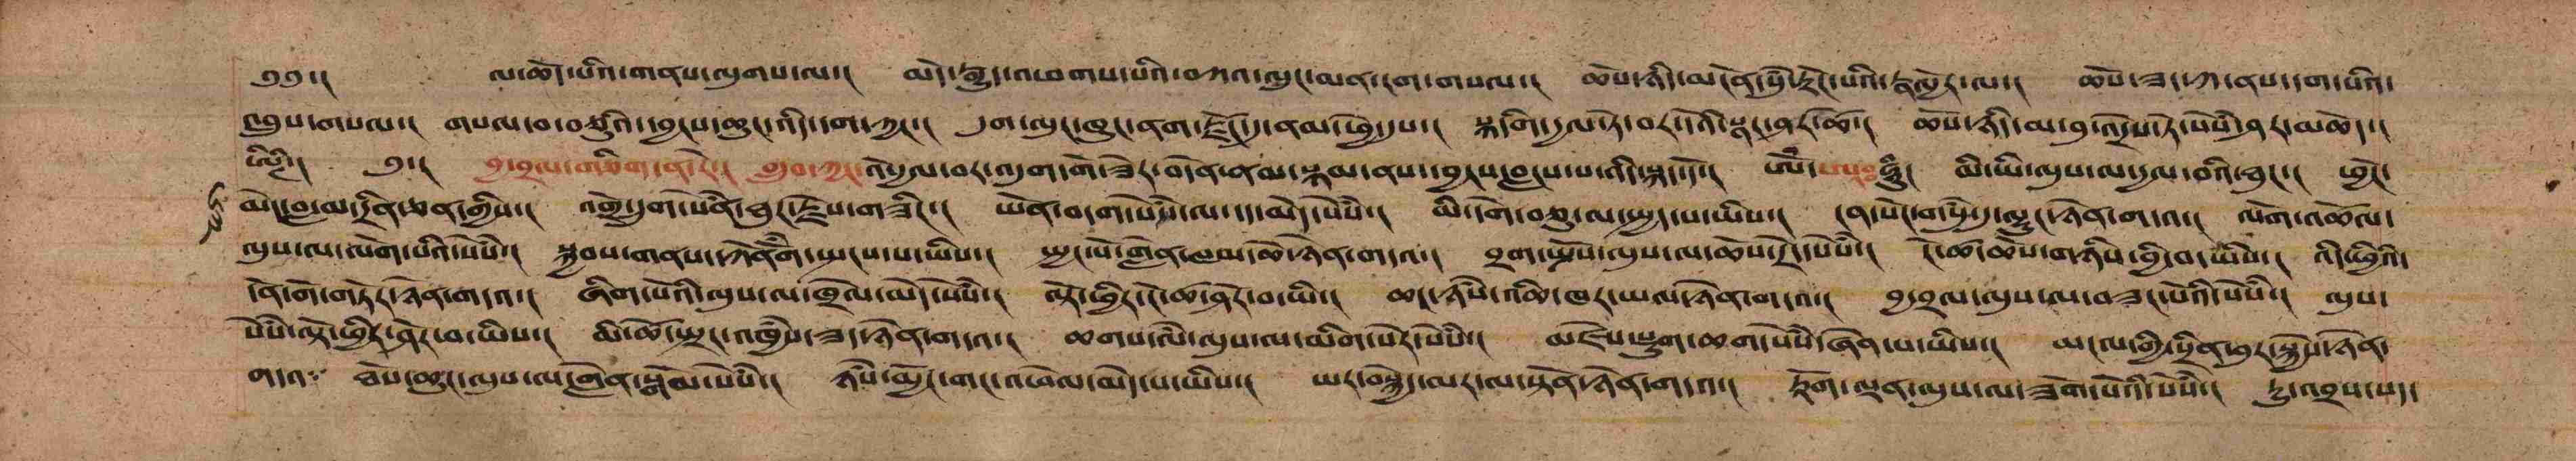༄༅།། ལ་ཆོད་པའི་གནས་ལུགས་ལ།། མདོ་རྒྱུད་འཕགས་པའི་བཀའ་ལུང་མན་ངག་གསལ།། ཆོས་ཉིད་མངོན་སུམ་རྟོགས་པའི་རྣལ་འབྱོར་ལ།། ཆོས་ཟད་ཀ་ནས་དག་པའི་
འབྲས་བུ་གསལ།། གསལ་བ་བཅུའི་དབྱངས་ཆུང་འདི་དག་ཀྱང་།། དུག་ལུང་ཁྱུང་ནག་རྫོང་དུ་ནམ་ཕྱེད་དུས།། སྐད་ཅིག་རྒྱལ་ཏེ་བར་དོའི་སྣང་ཤར་ཚེ།། ཆོས་ཉིད་མ་བུ་འདྲེས་ཏེ་སེམས་ཤར་མཆེད།། 
ཨིཊི།། ༄་། བྱ་བྲལ་གཅིག་ན་རེ།། གྲུབ་ཀྱང་འོ་བརྒྱལ་བར་འདུག་གོ་ཟེར་བདེན་ནམ་སྙམ་ནས་དབྱངས་བླངས་པ་འདི་སྐད་དོ།། ཨོཾ་ཨཱཿཧཱུཾ། མི་ཡི་ལུས་ལ་རྒྱལ་བའི་ཐུགས།། ཕྱོགས་
མེད་བླ་མ་དྲིན་ཅན་གྱིས།། འགྲོ་དྲུག་སེམས་ཅན་ཐུགས་རྗེས་གཟིགས།། ཡོན་བདག་སེམས་ལ་དད་མེད་སེམས།། མི་དགེ་བཅུ་ལ་སྤྱད་པ་ཡིས།། ངན་སོང་གསུམ་དུ་ལྟུང་ཉེན་གདའ།། ལོག་འཚོལ་
ལུས་ལ་ལོག་པའི་སེམས།། སྐྱབས་གནས་དཀོན་མཆོག་སྤངས་པ་ཡིས།། སྤྱང་པོ་གླེན་ཁམ་ཆེ་ཆེན་གདའ།། བྲག་སྤོས་ལུས་ལ་ཆོས་དྲེད་སེམས།། ངོ་ཚ་ཆོས་གཉིས་བྱི་བ་ཡིས།། འདི་ཕྱིའི་
དོན་གོ་གཏོར་ཉེན་གདའ།། ཞིག་པོའི་ལུས་ལ་ཁྲེལ་མེད་སེམས།། ལྟོ་ཕྱིར་ངོ་ཚ་ཤོར་བ་ཡི།། ཆགས་ཉམས་འཆི་ཁར་ཡལ་ཆེན་གདའ།། བྱ་བྲལ་ལུས་ལ་བཟང་པོའི་སེམས།། ལུས་
སེམས་ལྟོ་ཕྱིར་ཤོར་བ་ཡིས།། མི་ཚེ་སྤྲང་འཁྱམས་ཟད་ཉེན་གདའ།། ཆགས་ལམ་ལུས་ལ་མིག་སེར་སེམས།། མཛེས་སྡུག་ཆགས་སེམས་ཞེན་པ་ཡིས།། མངལ་གྱི་སྲིན་བུར་སྐྱེས་ཉེན་
གདའ།། ཐོས་ཆུང་ལུས་ལ་གླེན་སྒོམ་སེམས།། ཉམས་མྱོང་གང་འཕེལ་མེད་པ་ཡིས།། ཡར་སྐྱེད་མར་ལ་སྟོན་ཉེན་གདའ།། རྟོགས་ལྡན་ལུས་ལ་ཟོག་པོའི་སེམས།། རྒྱུ་འབྲས་སད་